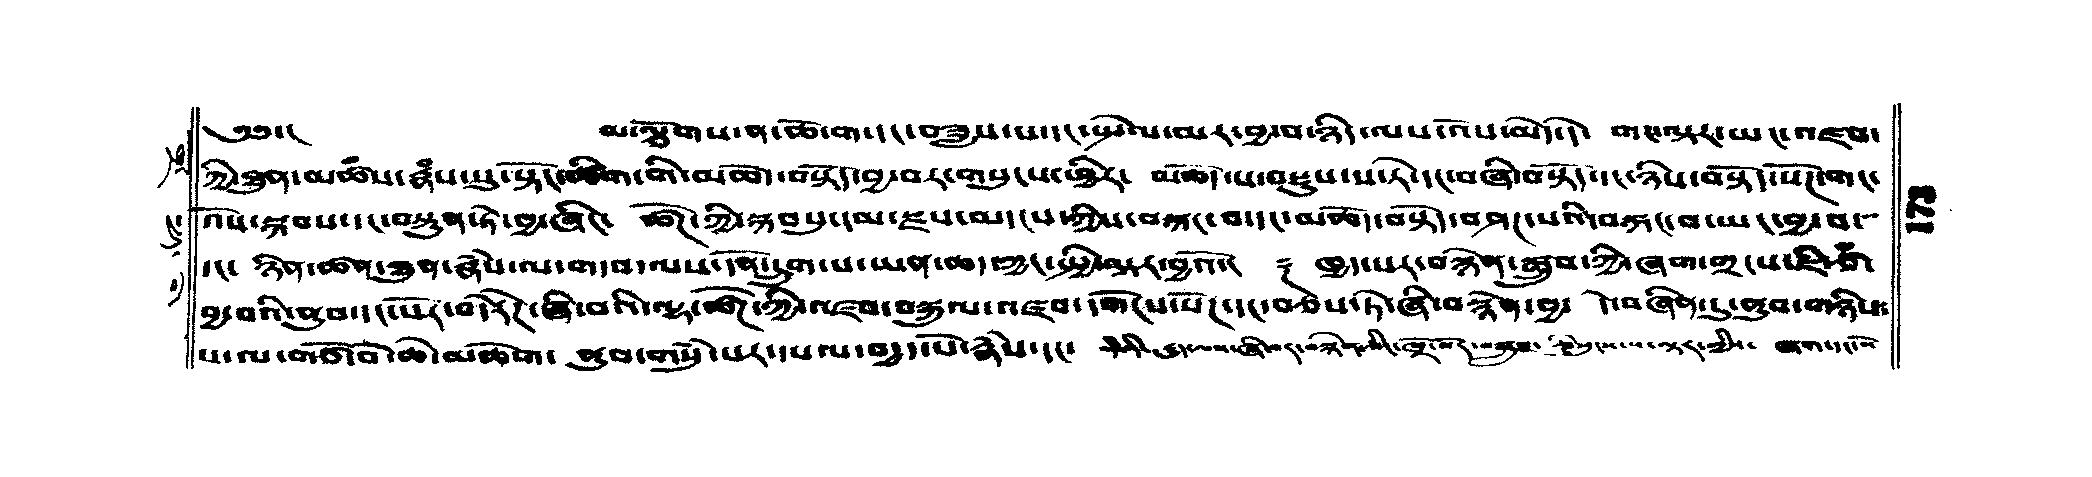མ་ལྕོགས་ན་ཆོ་ག་དང་བཟླས་པ་དང་སྤེལ་མར་བྱ་བ་ཉིད་ལས་འོས་མེད་དེ། གང་ལྟར་ཡང་འཛབ་
ཀྱི་ཐུན་མཚམས་རྣམས་སུ་སྟོང་ཚིག་གི་མཆོད་བསྟོད་བྱ་བར་གསུངས་ཕྱིར། མཆོད་པ་བསྡུས་པ་རེ་དང་བཞི་བསྟོད་དང་ཉིས་བསྟོད་སོགས་གང་
འོས་སྐབས་དང་བསྟུན་ཏེ་བྱ་ཞིང་། ཚོགས་ཀྱི་སྐབས་སུ་དམ་རྫས་མདངས་ཀྱི་བསྐང་བ་དང་མཆོད་བསྟོད་བཤགས་པའི་བསྐང་བ་ཡང་བྱ་བ་
དང་། ཉིན་མཚན་ཐུན་མཚམས་རྣམས་ལ་གདབ་ལས་དོན་དྲུག་པ་ཡན་ཆད་ཀྱང་སྤྱི་ལྟར་བྱའོ། ༈ ཁྱད་པར་བསྙེན་སྒྲུབ་ཀྱི་ཞག་གྲངས་ཇི་ཙམ་
བྱ་བའི་ནུབ་དང་པོར་བདེར་གཤེགས་ཞི་བའི་ལྷ་ཚོགས་ཀྱི་འཛབ་བསྐུལ་འཛབ་དགོངས་སོགས་དང་བཅས་ཏེ་ཞི་བསྙེན་བྱ། དེ་བཞིན་དུ་ནུབ་གཉིས་
པ་ལ་གཙོ་བོ་ཆེ་མཆོག ནུབ་གསུམ་པར་དཔལ་བརྒྱད་པོ་རྣམས་དང་། འདིའི་རྒྱུད་ལས་ཞི་བར་བསྙེན་ཅིང་ཁྲོ་བོར་བསྒྲུབ་ཅེས་གསུངས་པ་ལྟར་གྱིས། ཞག་དང་པོ་